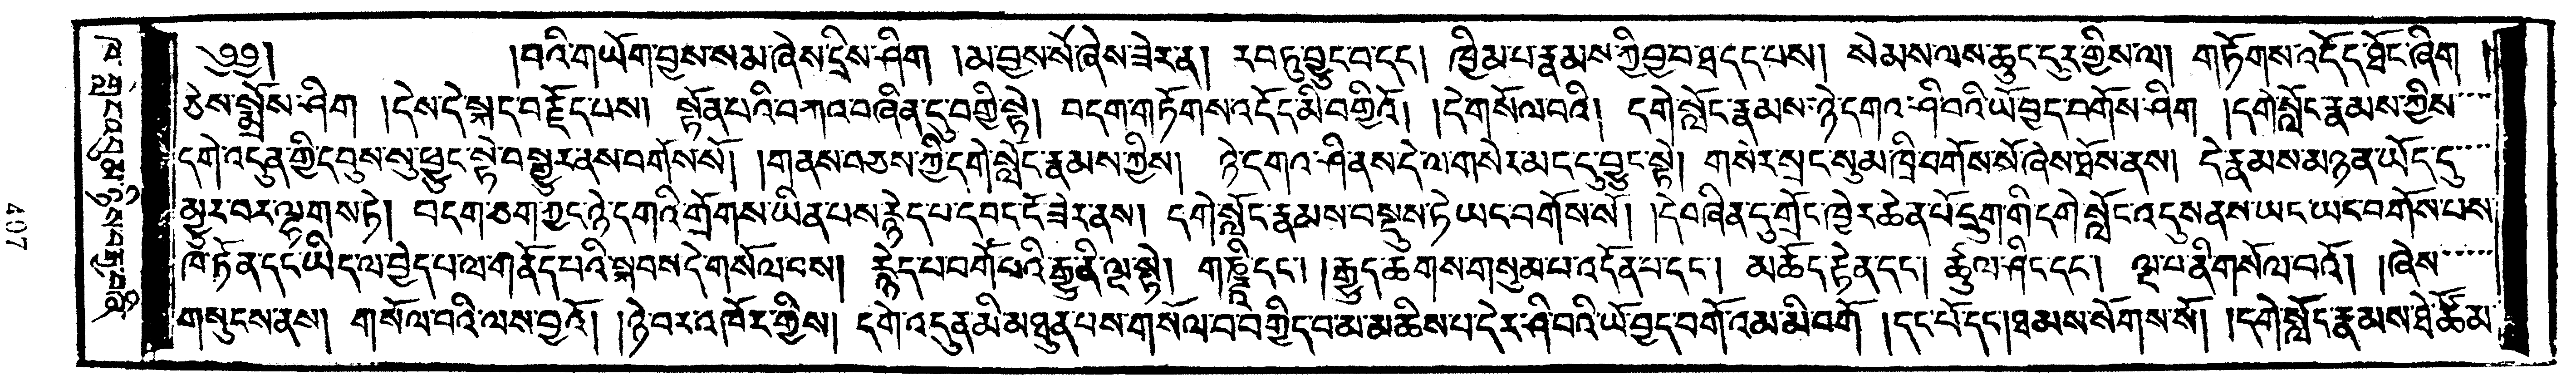༄༅། །བའི་གཡོག་བྱས་སམ་ཞེས་དྲིས་ཤིག །མ་བྱས་སོ་ཞེས་ཟེར་ན། རབ་ཏུ་བྱུང་བ་དང་། ཁྱིམ་པ་རྣམས་ཀྱི་བྱ་བ་ཐ་དད་པས། སེམས་ལས་ཆུང་ངུར་གྱིས་ལ། གཏོགས་འདོད་ཐོང་ཞིག།
ཅེས་སྨྲོས་ཤིག །དེས་དེ་སྐད་བརྗོད་པས། སྟོན་པའི་བཀའ་བཞིན་དུ་བགྱི་སྟེ། བདག་གཏོགས་འདོད་མི་བགྱིའོ། །དེ་གསོལ་བའི། དགེ་སློང་རྣམས་ཉེ་དགའ་ཤི་བའི་ཡོ་བྱད་བགོས་ཤིག །དགེ་སློང་རྣམས་ཀྱིས་དགེ་
འདུན་གྱི་དབུས་སུ་ཕྱུང་སྟེ་བསྒྱུར་ནས་བགོས་སོ། །གནས་བཅས་ཀྱི་དགེ་སློང་རྣམས་ཀྱིས། ཉེ་དགའ་ཤི་ནས་དེ་ལ་གསེར་མང་དུ་བྱུང་སྟེ། གསེར་སྲང་སུམ་ཁྲི་བགོས་སོ་ཞེས་ཐོས་ནས། དེ་རྣམས་མཉན་ཡོད་དུ་
མྱུར་བར་ལྷགས་ཏེ། བདག་ཅག་ཀྱང་ཉེ་དགའི་གྲོགས་ཡིན་པས་རྙེད་པ་དབང་ངོ་ཟེར་ནས། དགེ་སློང་རྣམས་བསྡུས་ཏེ་ཡང་བགོས་སོ། །དེ་བཞིན་དུ་གྲོང་ཁྱེར་ཆེན་པོ་དྲུག་གི་དགེ་སློང་འདུས་ནས་ཡང་ཡང་བགོས་པས་
ཁ་ཏོན་དང་ཡིད་ལ་བྱེད་པ་ལ་གནོད་པའི་སྐབས་དེ་གསོལ་བས། རྙེད་པ་བགོ་བའི་རྒྱུ་ནི་ལྔ་སྟེ། གཎྜཱི་དང་། །རྒྱུད་ཆགས་གསུམ་པ་འདོན་པ་དང་། མཆོད་རྟེན་དང་། ཚུལ་ཤིང་དང་། ལྔ་པ་ནི་གསོལ་བའོ། །ཞེས་
གསུངས་ནས། གསོལ་བའི་ལས་བྱའོ། །ཉེ་བར་འཁོར་གྱིས། དགེ་འདུན་མི་མཐུན་པས་གསོལ་བ་བགྱིད་བ་མ་མཆིས་པ་དེར་ཤི་བའི་ཡོ་བྱད་བགོ་འམ་མི་བགོ །དང་པོ་དང་། ཐམས་སོགས་སོ། །དགེ་སློང་རྣམས་ཐེ་ཚོམ་